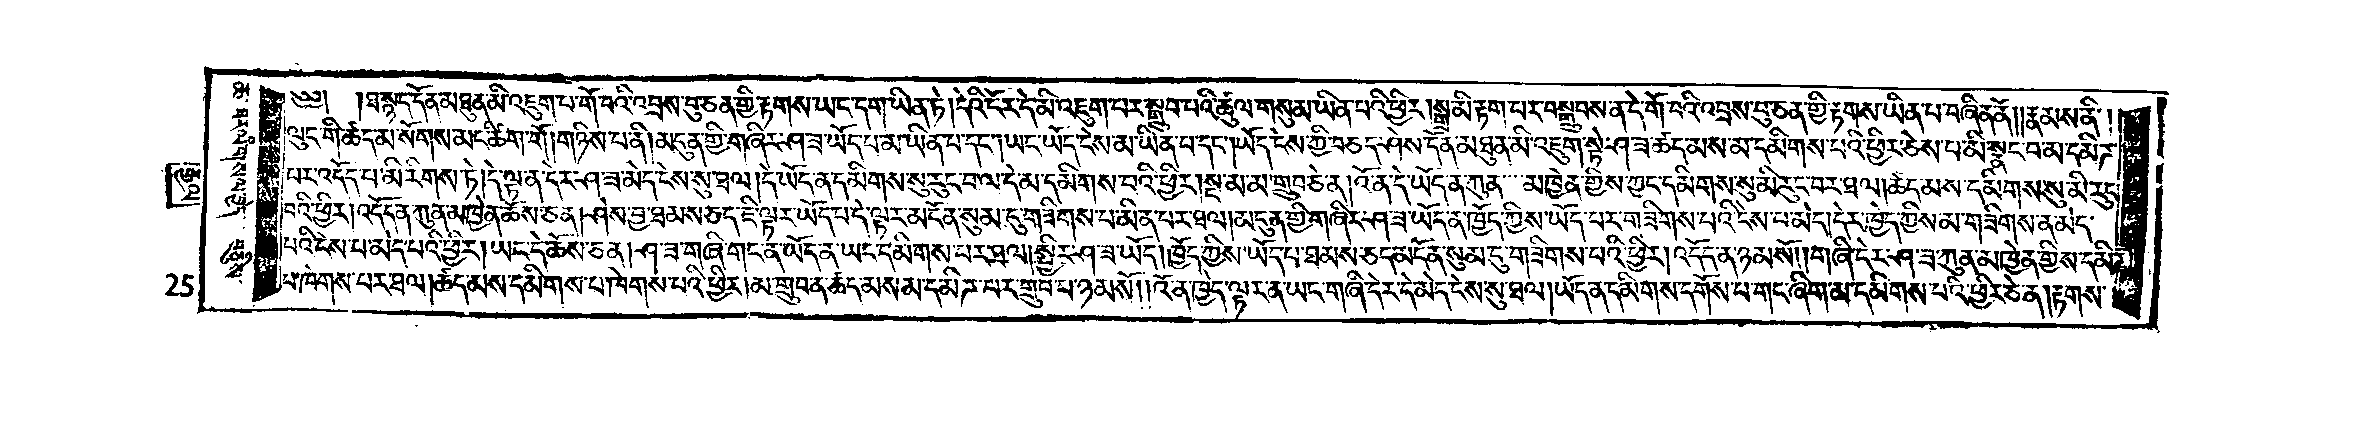༄༅། །ཐ་སྙད་དོན་མཐུན་མི་འཇུག་པ་གོ་བའི་འབྲས་བུ་ཅན་གྱི་རྟགས་ཡང་དག་ཡིན་ཏེ། དེའི་ངོར་དེ་མི་འཇུག་པར་སྒྲུབ་པའི་ཚུལ་གསུམ་ཡིན་པའི་ཕྱིར། སྒྲ་མི་རྟག་པར་བསྒྲུབས་ན་དེ་གོ་བའི་འབྲས་བུ་ཅན་གྱི་རྟགས་ཡིན་པ་བཞིན་ནོ། །རྣམས་ནི།
ལུང་གི་ཚད་མ་སོགས་མང་ཚིག་གོ། གཉིས་པ་ནི། མདུན་གྱི་གཞིར་ཤ་ཟ་ཡོད་པ་མ་ཡིན་པ་དང་། ཡང་ཡོད་ངེས་མ་ཡིན་པ་དང་། ཡོད་ངེས་ཀྱི་བཅད་ཤེས་དོན་མཐུན་མི་འཇུག་སྟེ་ཤ་ཟ་ཚད་མས་མ་དམིགས་པའི་ཕྱིར་ཅེས་པ་མི་སྣང་བ་མ་དམིགས་
པར་འདོད་པ་མི་རིགས་ཏེ། དེ་ལྟ་ན་དེར་ཤ་ཟ་མེད་ངེས་སུ་ཐལ། དེ་ཡོད་ན་དམིགས་སུ་རུང་བ་ལ་དེ་མ་དམིགས་པའི་ཕྱིར། སྔ་མ་མ་གྲུབ་ཅེ་ན། འོ་ན་དེ་ཡོད་ན་ཀུན་མཁྱེན་གྱིས་ཀྱང་དམིགས་སུ་མི་རུང་བར་ཐལ། ཚད་མས་དམིགས་སུ་མི་རུང་
བའི་ཕྱིར། འདོད་ན་ཀུན་མཁྱེན་ཆོས་ཅན། ཤེས་བྱ་ཐམས་ཅད་ཇི་ལྟར་ཡོད་པ་དེ་ལྟར་མངོན་སུམ་དུ་གཟིགས་པ་མིན་པར་ཐལ། མདུན་གྱི་གཞིར་ཤ་ཟ་ཡོད་ན་ཁྱོད་ཀྱིས་ཡོད་པར་གཟིགས་པའི་ངེས་པ་མེད། དེར་ཁྱེད་ཀྱིས་མ་གཟིགས་ན་མེད་
པའི་ངེས་པ་མེད་པའི་ཕྱིར། ཡང་དེ་ཆོས་ཅན། ཤ་ཟ་གཞི་གང་ན་ཡོད་ན་ཡང་དམིགས་པར་ཐལ། སྤྱིར་ཤ་ཟ་ཡོད། ཁྱོད་ཀྱིས་ཡོད་པ་ཐམས་ཅད་མངོན་སུམ་དུ་གཟིགས་པའི་ཕྱིར། འདོད་ན་ཉམས་སོ། །གཞི་དེར་ཤ་ཟ་ཀུན་མཁྱེན་གྱིས་དམིགས་
པ་ཁེགས་པར་ཐལ། ཚེད་?་མས་དམིགས་པ་ཁེགས་པའི་ཕྱིར། མ་གྲུབ་ན་ཚད་མས་མ་དམིགས་པར་གྲུབ་པ་ཉམས་སོ། །འོ་ན་ཁྱེད་ལྟར་ན་ཡང་གཞི་དེར་དེ་མེད་ངེས་སུ་ཐལ། ཡོད་ན་དམིགས་དགོས་པ་གང་ཞིག་མ་དམིགས་པའི་ཕྱིར་ཅེ་ན། རྟགས་